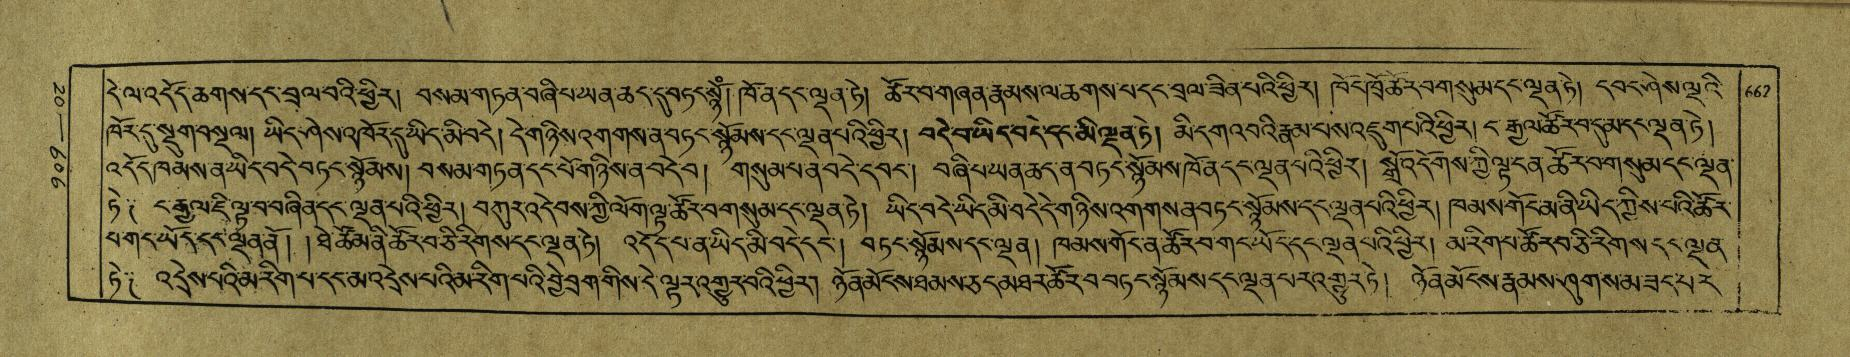དེ་ལ་འདོད་ཆགས་དང་བྲལ་བའི་ཕྱིར། བསམ་གཏན་བཞི་པ་ཡན་ཆད་དུ་བཏང་སྙོཾ། ཁོ་ན་དང་ལྡན་ཏེ། ཚོར་བ་གཞན་རྣམས་ལ་ཆགས་པ་དང་བྲལ་ཟིན་པའི་ཕྱིར། ཁོང་ཁྲོ་ཚོར་བ་གསུམ་དང་ལྡན་ཏེ། དབང་ཤེས་ལྔའི་
ཁོར་དུ་སྡུག་བསྔལ། ཡིད་ཤེས་འཁོར་དུ་ཡིད་མི་བདེ། དེ་གཉིས་འགགས་ན་བཏང་སྙོམས་དང་ལྡན་པའི་ཕྱིར། བདེ་བ་ཡིད་བདེ་དང་མི་ལྡན་ཏེ། མི་དགའ་བའི་རྣམ་པས་འཇུག་པའི་ཕྱིར། ང་རྒྱལ་ཚོར་བ་དུ་མ་དང་ལྡན་ཏེ།
འདོད་ཁམས་ན་ཡིད་བདེ་བཏང་སྙོམས། བསམ་གཏན་དང་པོ་གཉིས་ན་བདེ་བ། གསུམ་པ་ན་བདེ་དབང་། བཞི་པ་ཡན་ཆད་ན་བཏང་སྙོམས་ཁོ་ན་དང་ལྡན་པའི་ཕྱིར། སྒྲོ་འདོགས་ཀྱི་ལྟ་ངན་ཚོར་བ་གསུམ་དང་ལྡན་
ཏེ༑ ང་རྒྱལ་ཇི་ལྟ་བ་བཞིན་དང་ལྡན་པའི་ཕྱིར། བཀུར་འདེབས་ཀྱི་ལོག་ལྟ་ཚོར་བ་གསུམ་དང་ལྡན་ཏེ། ཡིད་བདེ་ཡིད་མི་བདེ་དེ་གཉིས་འགགས་ན་བཏང་སྙོམས་དང་ལྡན་པའི་ཕྱིར། ཁམས་གོང་མ་ནི་ཡིད་ཀྱིས་པའི་ཚོར་
པ་གང་ཡོད་དང་ལྡན་ནོ། །ཐེ་ཚོམ་ནི་ཚོར་བ་ཅི་རིགས་དང་ལྡན་ཏེ། འདོད་པ་ན་ཡིད་མི་བདེ་དང་། བཏང་སྙོམས་དང་ལྡན། ཁམས་གོང་ན་ཚོར་བ་གང་ཡོད་དང་ལྡན་པའི་ཕྱིར། མ་རིག་པ་ཚོར་བ་ཅི་རིགས་དང་ལྡན་
ཏེ༑ འདྲེས་པའི་མ་རིག་པ་དང་མ་འདྲེས་པའི་མ་རིག་པའི་བྱེ་བྲག་གིས་དེ་ལྟར་འགྱུར་བའི་ཕྱིར། ཉོན་མོངས་ཐམས་ཅད་མཐར་ཚོར་བ་བཏང་སྙོམས་དང་ལྡན་པར་འགྱུར་ཏེ། ཉོན་མོངས་རྣམས་ཤུགས་མ་ཟད་པར་